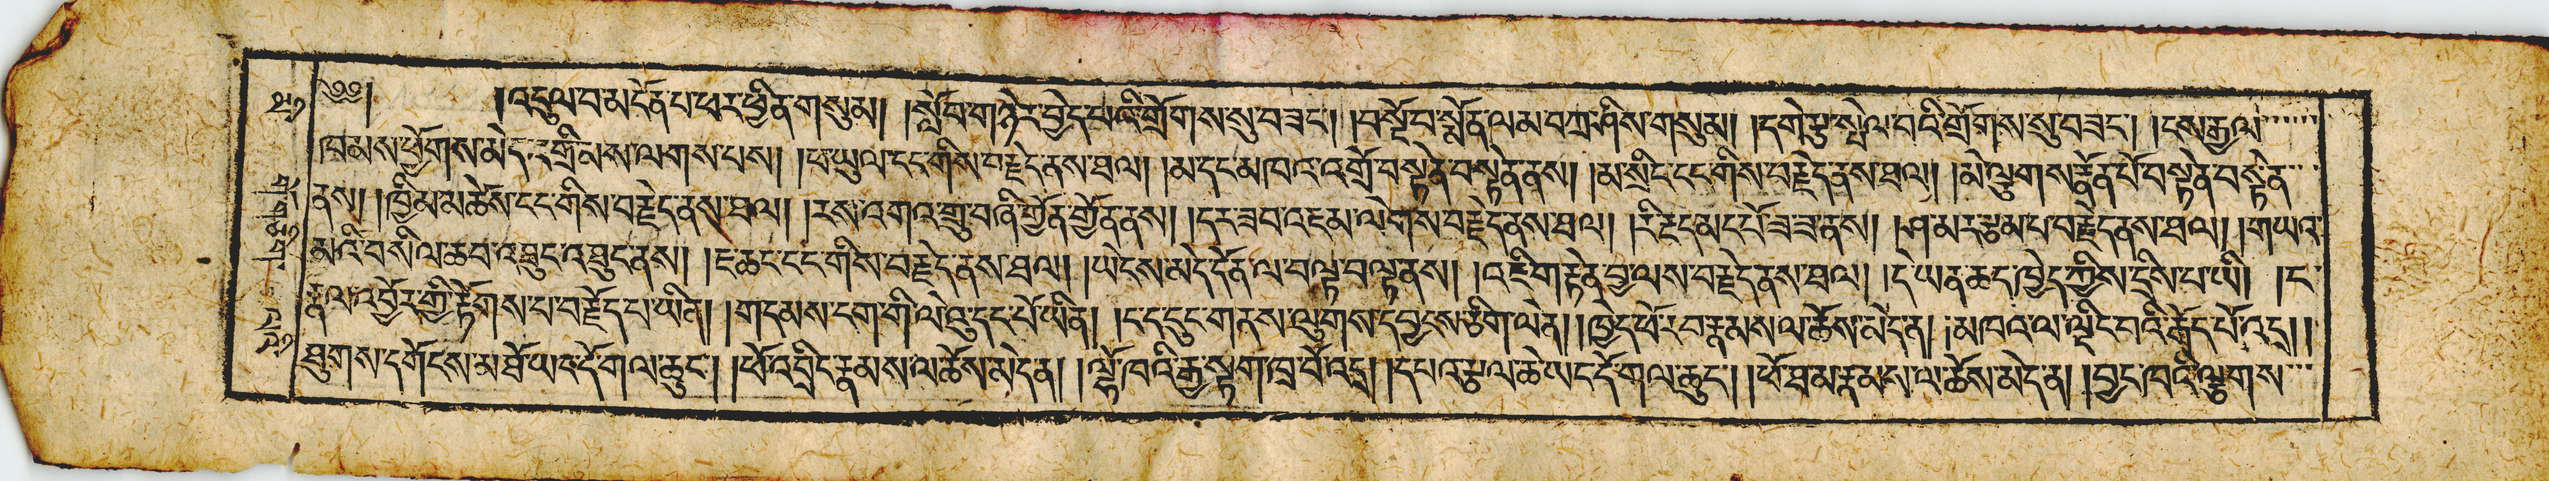འདུལ་བ་མངོན་པ་ཕར་ཕྱིན་གསུམ། །སློབ་གཉེར་བྱེད་པའི་གྲོགས་སུ་བཟང། །བསྔོ་བ་སྨོན་ལམ་བཀྲ་ཤིས་གསུམ། །དགེ་རྩ་སྤེལ་བའི་གྲོགས་སུ་བཟང་། །ངས་རྒྱལ་
ཁམས་ཕྱོགས་མེད་འགྲིམས་ལགས་པས། །ཕ་ཡུལ་ངང་གིས་བརྗེད་ནས་ཐལ། །མ་དང་མཁའ་འགྲོ་བསྟེན་བསྟེན་ནས། །མ་སྲིང་ངང་གིས་བརྗེད་ནས་ཐལ། །མེ་ལྕགས་རྣོན་པོ་བསྟེན་བསྟེན་
ནས། །ཁྱིམ་མཚེས་ངང་གིས་བརྗེད་ནས་ཐལ། །རས་འགའ་གྲུ་བཞི་གྱོན་གྱོན་ནས། །དར་ཟབ་འཇམ་ལེགས་བརྗེདནས་ཐལ། །རི་རྔད་མང་པོ་ཟ་ཟ་ནས། །ཤ་མར་རྩམ་པ་བརྗེད་ནས་ཐལ། །གཡའ་
མའི་བསིལ་ཆབ་འཐུང་འཐུང་ནས། །ཇ་ཆང་ངང་གིས་བརྗེད་ནས་ཐལ། །ཡེངས་མེད་དོན་ལ་བལྟ་བལྟ་ནས། །འཇིག་རྟེན་བྱ་ལས་བརྗེད་ནས་ཐལ། །དེ་ཡན་ཆད་ཁྱེད་ཀྱིས་དྲིས་པ་ཡི། ང་
རྣལ་འབྱོར་གྱི་རྟོགས་པ་བརྗོད་པ་ཡིན། །གདམས་ངག་གི་ལེའུ་དང་པོ་ཡིན། །ང་ད་དུང་གནས་ལུགས་དབྱངས་ཅིག་ལེན། །ཁྱེད་ཕོ་རབ་རྣམས་ལ་ཆོས་མེད་ན། །མཁའ་ལ་ལྡིང་བའི་རྒོད་པོ་འདྲ། །
ཐུགས་དགོངས་མཐོ་ལ་དོ་གལ་ཆུང་། །ཕོ་འབྲིང་རྣམས་ལ་ཆོས་མེད་ན། །ལྷོ་ཁའི་རྒྱ་སྟག་ཁྲ་བོ་འདྲ། །དཔའ་རྩལ་ཆེ་ཡང་དོ་གལ་ཆུང་། །ཕོ་ཐ་མ་རྣམས་ལ་ཆོས་མེད་ན། །བྱང་ཁའི་ལྕགས་